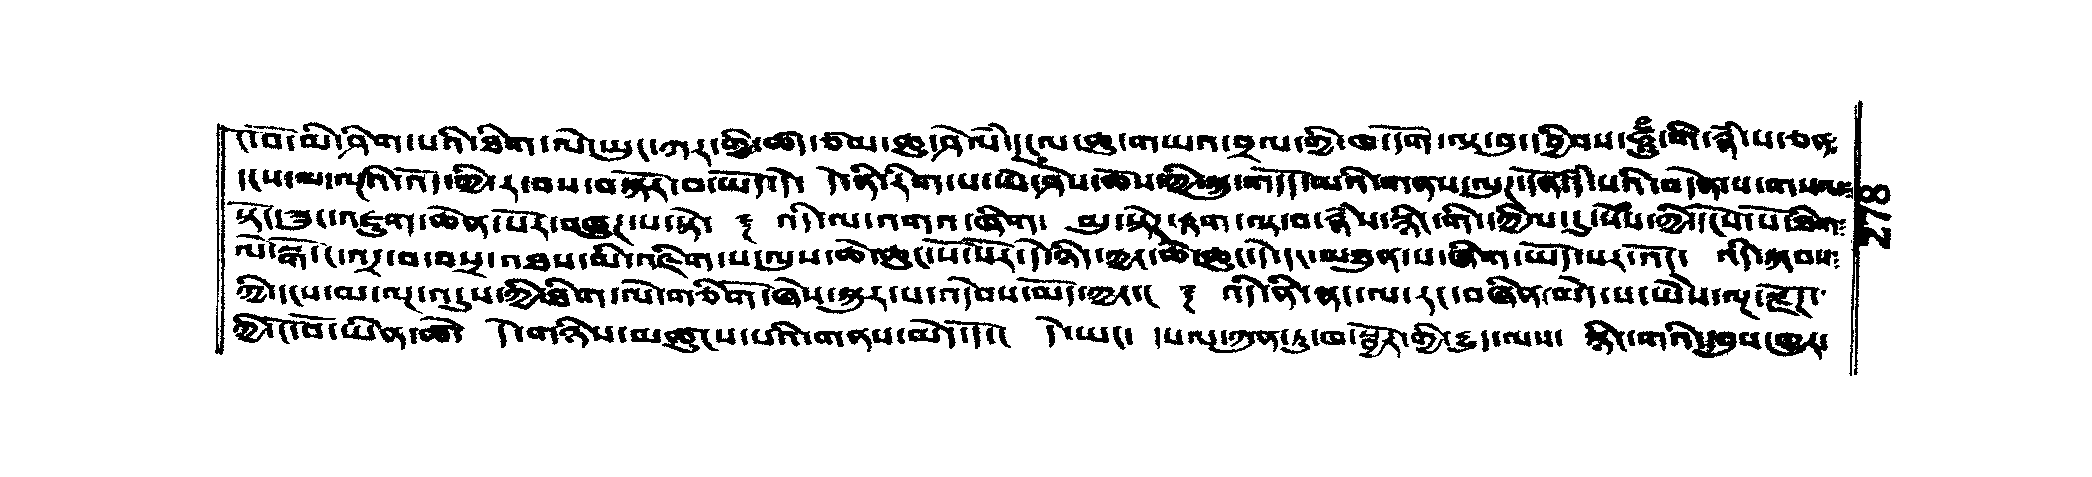ངོ་བོ་མི་བཤིགས་པའི་ཐིག་ལེ་ཡུངས་ཀར་གྱི་ཚད་ཙམ་ཆུ་ཤེལ་ལམ་དངུལ་ཆུ་གཡའ་བྲལ་གྱི་ཁ་དོག་ལྟ་བུ་དབྱིབས་ཧཱུྃ་གི་རྣམ་པ་ཅན་
དྭངས་མ་ལྔའི་འོད་ཀྱི་ར་བས་བསྐོར་བ་ཡོད་དེ། དེ་ནི་རིག་པ་ཡེ་ཤེས་ཆོས་ཀྱི་སྐུ་གདོད་མའི་གནས་ལུགས་དོན་དམ་པའི་བདེན་པ་གསལ་
སྟོང་ཟུང་འཇུག་ཆེན་པོར་བཞུགས་སྟེ། འདི་ལ་འགའ་ཞིག མུ་སྟེགས་རྟག་ལྟ་བ་རྣམས་སྙིང་གི་དཀྱིལ་དུ་སེམས་ཀྱི་དངོས་པོ་ཐིག་
ལེ་སྒོ་ང་འདྲ་བ་བསྲ་འཐས་མི་འཇིག་པ་ལུས་ཆེ་ཆུང་སོ་སོར་དེ་ཉིད་ཀྱང་ཆེ་ཆུང་དེ་དང་མཐུན་པ་ཞིག་ཡོད་པར་འདོད། འདི་སྐབས་
ཀྱི་དྭངས་མ་ལྔ་འདུས་ཀྱི་ཐིག་ལེ་དང་གཅིག་གོ་ཞེས་སྐུར་པ་འདེབས་མོད་ཀྱང་། འདི་ནི་སྣང་ལ་རང་བཞིན་མེད་པ་ཡེ་ཤེས་ལྔ་རྫོགས་
ཀྱི་ངོ་བོ་ཡིན་ཚེ།དེ་གཉིས་མཚུངས་པའི་གནས་མེད་དོ། དེ་ཡང་། དཔལ་ཀུན་ཏུ་ཁ་སྦྱོར་གྱི་རྒྱུད་ལས། སྙིང་གའི་དབུས་གྱུར་